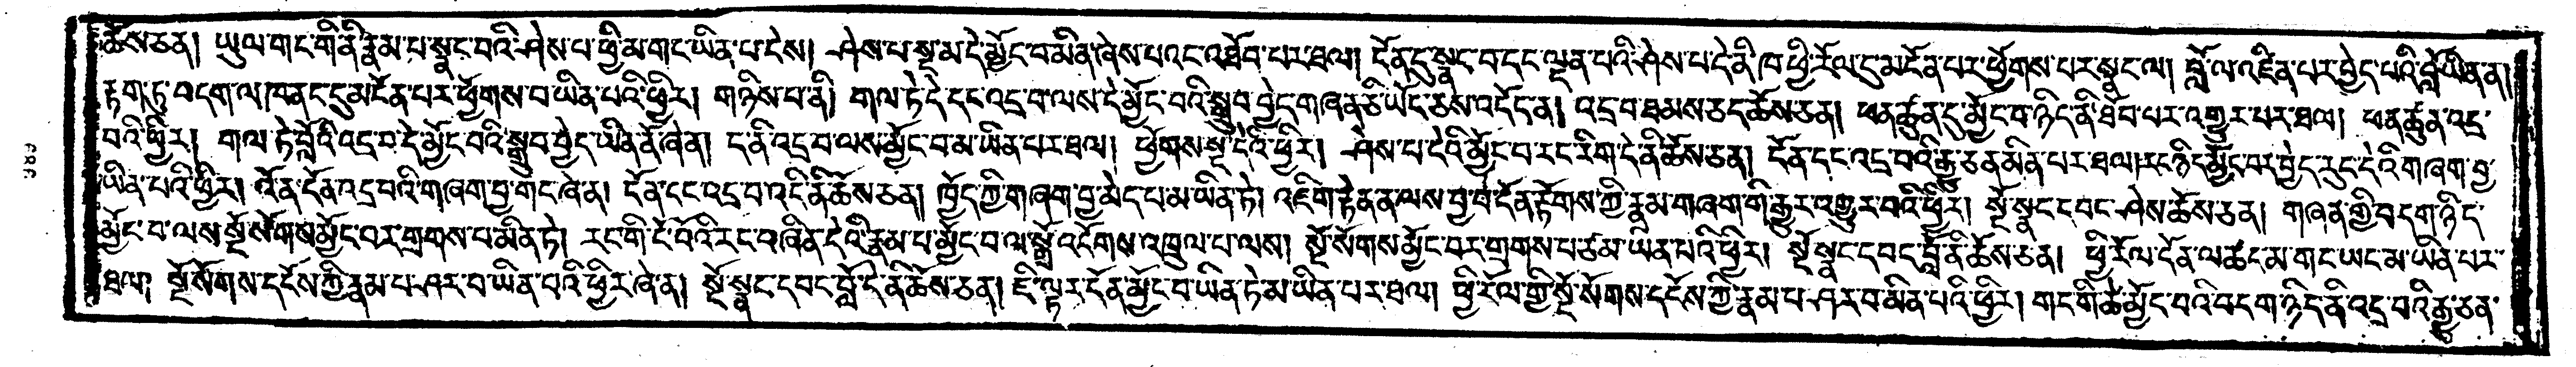ཆོས་ཅན། ཡུལ་གང་གི་ནི་རྣམ་པ་སྣང་བའི་ཤེས་པ་ཕྱི་མ་གང་ཡིན་པ་ངེས། ཤེས་པ་སྔ་མ་དེ་མྱོང་བ་མིན་ཞེས་པའང་འཐོབ་པར་ཐལ། དོན་དུ་སྣང་བ་དང་ལྡན་པའི་ཤེས་པ་དེ་ནི་ཁ་ཕྱི་རོལ་དུ་མངོན་པར་ཕྱོགས་པར་སྣང་ལ། བློ་ལ་འཛིན་པར་བྱེད་པའི་བློ་ཡིན་ན།
རྟག་ཏུ་བདག་ལ་ཁ་ནང་དུ་མངོན་པར་ཕྱོགས་པ་ཡིན་པའི་ཕྱིར། གཉིས་པ་ནི། གལ་ཏེ་དེ་དང་འདྲ་བ་ལས་དེ་མྱོང་བའི་སྒྲུབ་བྱེད་གཞན་ཅི་ཡོད་ཅེས་འདོད་ན། འདྲ་བ་ཐམས་ཅད་ཆོས་ཅན། ཕན་ཚུན་དུ་མྱོང་བ་ཉིད་ནི་ཐོབ་པར་འགྱུར་པར་ཐལ། ཕན་ཚུན་འདྲ་
བའི་ཕྱིར། གལ་ཏེ་བློའི་འདྲ་བ་དེ་མྱོང་བའི་སྒྲུབ་བྱེད་ཡིན་ནོ་ཞེ་ན། ད་ནི་འདྲ་ལ་ལས་མྱོང་བ་མ་ཡིན་པར་ཐལ། ཕྱོགས་སྔ་དེའི་ཕྱིར། ཤེས་པ་དེའི་མྱོང་བ་རང་རིག་དེ་ནི་ཆོས་ཅན། དོན་དང་འདྲ་བའི་རྒྱུ་ཅན་མིན་པར་ཐལ། རང་ཉིད་མྱོང་བར་བྱེད་རུང་དེའི་གཞག་བྱ་
ཡིན་པའི་ཕྱིར། འོ་ན་དོན་འདྲ་བའི་གཞག་བྱ་གང་ཞེ་ན། དོན་དང་འདྲ་བ་འདི་ནི་ཆོས་ཅན། ཁྱོད་ཀྱི་གཞག་བྱ་མེད་པ་མ་ཡིན་ཏེ། འཇིག་རྟེན་ན་ལས་བྱ་བ་དོན་རྟོགས་ཀྱི་རྣམ་གཞག་གི་རྒྱུར་འགྱུར་བའི་ཕྱིར། སྔོ་སྣང་དབང་ཤེས་ཆོས་ཅན། གཞན་གྱི་བདག་ཉིད་
མྱོང་བ་ལས་སྔོ་སོགས་མྱོང་བར་གྲགས་པ་མིན་ཏེ། རང་གི་ངོ་བོའི་རང་བཞིན་དེའི་རྣམ་པ་མྱོང་བ་ལ་སྒྲོ་འདོགས་འཁྲུལ་པ་ལས། སྔོ་སོགས་མྱོང་བར་གྲགས་པ་ཙམ་ཡིན་པའི་ཕྱིར། སྔོ་སྣང་དབང་བློ་ནི་ཆོས་ཅན། ཕྱི་རོལ་དོན་ལ་ཚད་མ་གང་ཡང་མ་ཡིན་པར་
ཐལ། སྔོ་སོགས་དངོས་ཀྱི་རྣམ་པ་ཤར་བ་ཡིན་པའི་ཕྱིར་ཞེ་ན། སྔོ་སྣང་དབང་བློ་དེ་ནི་ཆོས་ཅན། ཇི་ལྟར་དོན་མྱོང་བ་ཡིན་ཏེ་མ་ཡིན་པར་ཐལ། ཕྱི་རོལ་གྱི་སྔོ་སོགས་དངོས་ཀྱི་རྣམ་པར་ཤར་བ་མིན་པའི་ཕྱིར། གང་གི་ཚེ་མྱོང་བའི་བདག་ཉིད་ནི་འདྲ་བའི་རྒྱུ་ཅན་